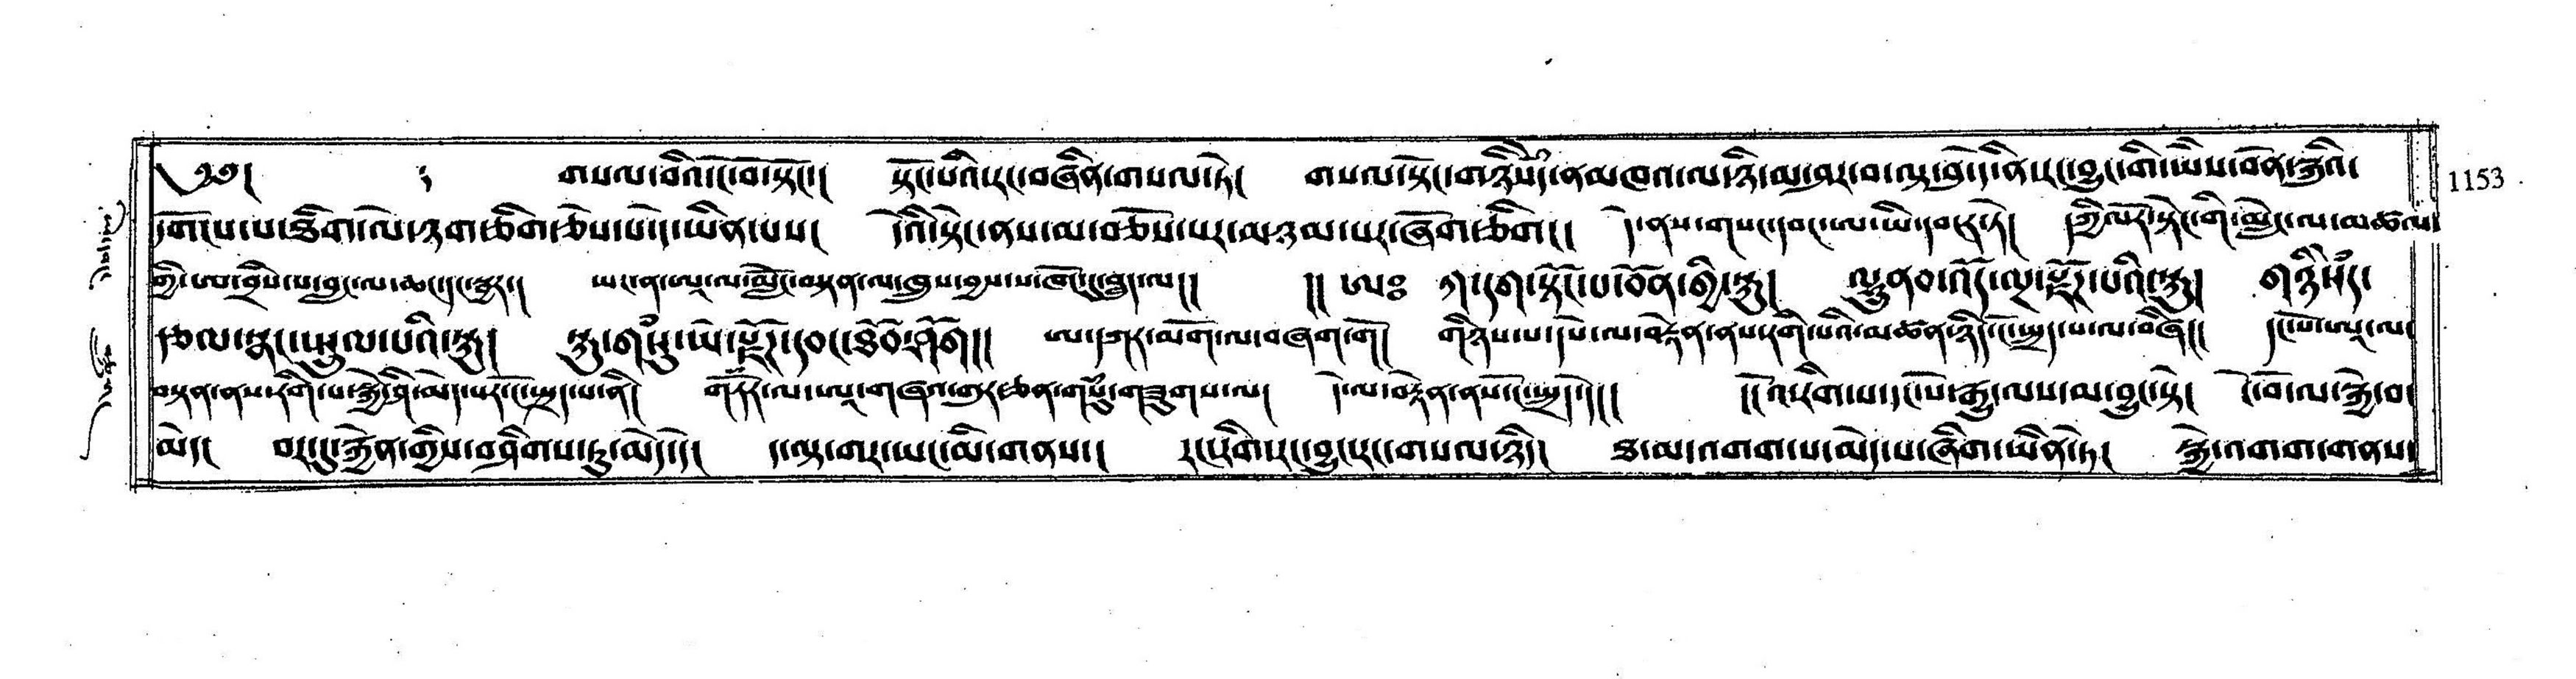གསལ་བའི་ངོ་བོ་སྟོང་། སྟོང་པའི་རང་བཞིན་གསལ་ཏེ། གསལ་སྟོང་གཉིས་མེད་ནམ་མཁའ་ལ་ཉི་མ་ཤར་བ་ལྟ་བུ་དེ་ནི་རང་བྱུང་གི་ཡེ་ཤེས་བོན་སྐུའི་
དགོངས་པ་ཐིག་ལེ་ཉག་ཅིག་ཅེས་པ་དེ་ཡིན་པས། དེའི་སྟེང་ནས་མ་བཅོས་པར་མཉམ་པར་ཞོག་ཅིག དེ་ནས་གསང་དབང་ཨ་ཡི་དབང་བསྐུར་ཏེ། དཀྱིལ་འཁོར་སྟེང་གི་མེ་ལོང་ལ་མཚལ་
གྱི་ཨ་བྲིས་པ་བླང་ལ་ཆང་དང་སྦྱར། ཡང་ན་ཨཱ་ལ་མེ་ལོང་བསྟན་ལ་ཁྲུས་བྱས་པ་ཁོང་དུ་བླུད་ལ།། །།ཨཿ ཀ་དག་སྟོང་པ་བོན་གྱི་སྐུ། ལྷུན་གྲུབ་འོད་ལྔ་རྫོགས་པའི་སྐུ། གཉིས་མེད་
རྩལ་སྣང་སྤྲུལ་པའི་སྐུ། སྐུ་གསུམ་ཡེ་རྫོགས་དབང་ཐོབ་ཤོག ཨ་དཀར་མགོ་ལ་བཞག་གོ གཉིས་པ་དཔེ་ལ་བརྟེན་ནས་རིག་པའི་མཚན་ཉིད་ངོ་སྤྲད་པ་ལ་བཞི།། དང་པོ་ཨཱ་ལ་
བསྟན་ནས་རིག་པ་སྐྱེ་ཤི་མེད་པར་ངོ་སྤྲད་པ་ནི། གཏོར་མ་ལ་ཨཱ་གཞའ་གུར་ཅན་གསུམ་གཟུགས་ལ། དེ་ལ་བརྟེན་ནས་ངོ་སྤྲད་དེ། །།འོ་རིག་པ་དང་པོ་རྒྱུ་ལས་མ་བྱུང་སྟེ། ངོ་བོ་ལ་སྐྱེ་བ་
མེད། བར་དུ་རྐྱེན་གྱིས་བཤིགས་ཏུ་མེད་དེ། ད་ལྟ་གར་ཡང་མི་གནས། རང་རིག་རང་བྱུང་རང་གསལ་ཉིད། ཐ་མ་འགག་པ་མེད་པ་ཞིག་ཡིན་ཏེ། སྐྱེ་འགག་གནས་